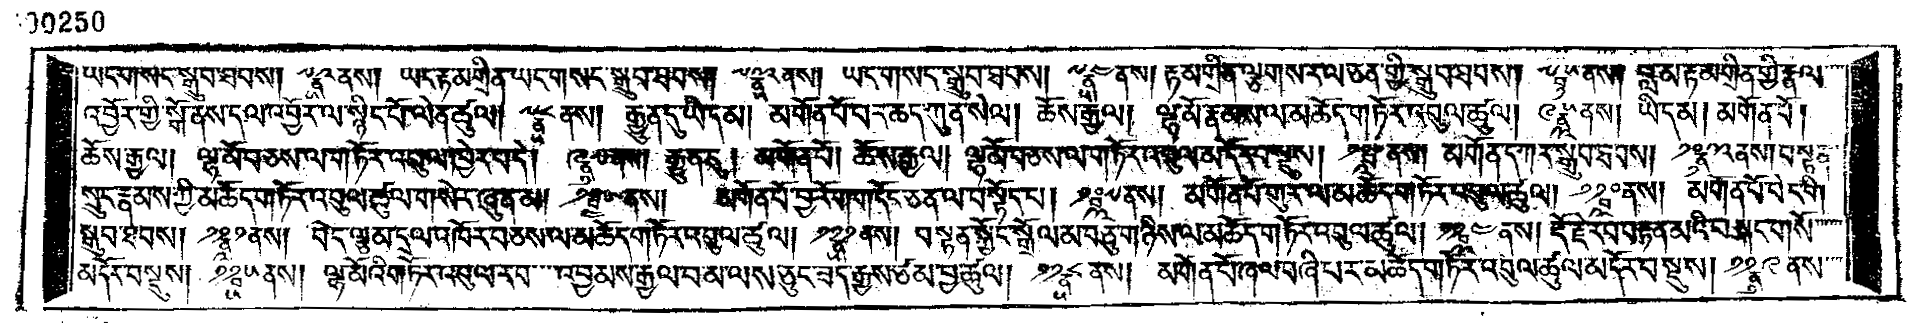ཡང་གསང་སྒྲུབ་ཐབས། ༦༢ན༦་ནས། ཡང་རྟ་མགྲིན་ཡང་གསང་སྒྲུབ་ཐབས། ༦༣ན༥་ནས། ཡང་གསང་སྒྲུབ་ཐབས། ༦༤ན༥་ནས། རྟ་མགྲིན་ལྕགས་རལ་ཅན་གྱི་སྒྲུབ་ཐབས། ༦༥བ༡་ནས། བླ་མ་རྟ་མགྲིན་གྱི་རྣལ་
འབྱོར་གྱི་སྒོ་ནས་དལ་འབྱོར་ལ་སྙིང་པོ་ལེན་ཚུལ། ༦༨ན༥་ནས། རྒྱུན་དུ་ཡི་དམ། མགོན་པོ་བར་ཆད་ཀུན་སེལ། ཆོས་རྒྱལ། ལྷ་མོ་རྣམས་ལ་མཆོད་གཏོར་འབུལ་ཚུལ། ༩༥ན༣་ནས། ཡི་དམ། མགོན་པོ།
ཆོས་རྒྱལ། ལྷ་མོ་བཅས་ལ་གཏོར་འབུལ་ཁྱེར་བདེ། ༩༦ན༡་ནས། རྒྱུན་དུ། མགོན་པོ། ཆོས་རྒྱལ། ལྷ་མོ་བཅས་ལ་གཏོར་འབུལ་མདོར་བསྡུས། ༡༠༠བ༢་ནས། མགོན་དཀར་སྒྲུབ་ཐབས། ༡༠༣ན༡་ནས། བསྟན་
སྲུང་རྣམས་ཀྱི་མཆོད་གཏོར་འབུལ་ཚུལ་གསེར་ཞུན་མ། ༡༠༦བ༤་ནས། མགོན་པོ་བྱ་རོག་གདོང་ཅན་ལ་བསྟོད་པ། ༡༠༦བ༣་ནས། མགོན་པོ་གུར་ལ་མཆོད་གཏོར་འབུལ་ཚུལ། ༡༡༠བ༢་ནས། མགོན་པོ་བེང་གི་
སྒྲུབ་ཐབས། ༡༡༡ན༢་ནས། བདེ་ལྕམ་དྲལ་འཁོར་བཅས་ལ་མཆོད་གཏོར་འབུལ་ཚུལ། ༡༡༡ན༥་ནས། བསྟན་སྐྱོང་སྒྲོལ་མ་བཅུ་གཉིས་ལ་མཆོད་གཏོར་འབུལ་ཚུལ། ༡༡༤བ༣་ནས། རྡོ་རྗེ་རབ་བརྟན་མའི་བསྐང་གསོ་
མདོར་བསྡུས། ༡༡༥བ༥་ནས། ལྷ་མོའི་གཏོར་འབུལ་རབ་འབྱམས་རྒྱལ་བ་མ་ལས་ཅུང་ཟད་རྒྱས་ཙམ་བྱ་ཚུལ། ༡༡༨ན༥་ནས། མགོན་པོ་ཞལ་བཞི་པར་མཆོད་གཏོར་འབུལ་ཚུལ་མདོར་བསྡུས། ༡༡༩ན༡་ནས་